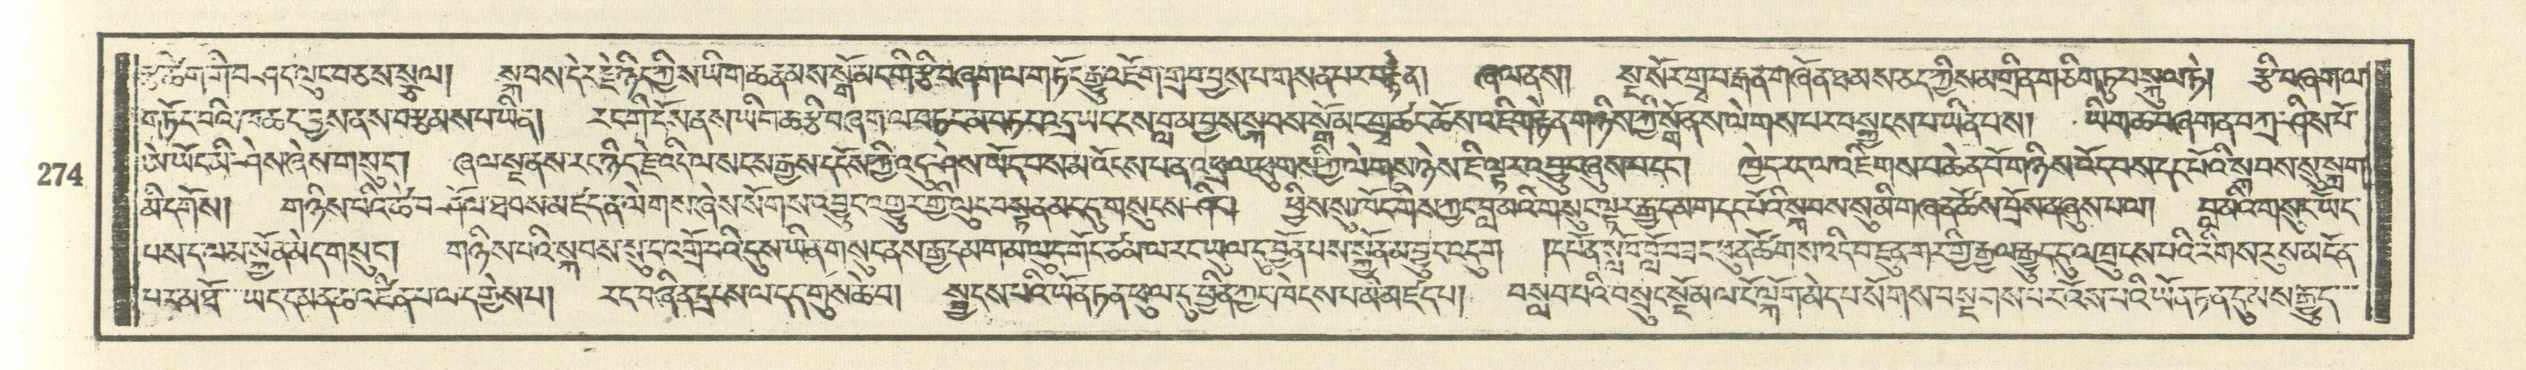རྩ་ཚིག་གི་བཤད་ལུང་བཅས་སྩལ། སྐབས་དེར་རྗེ་ཉིད་ཀྱིས་ཡིག་ཆ་རྣམས་སྒོ་མང་གི་རྩི་བཞག་ལ་གཏོང་རྒྱུ་འཇོག་གྲབ་བྱས་པ་གསན་པར་བརྟེན། ཞལ་ནས། སྔ་སོར་གྲྭ་པ་རྒན་གཞོན་ཐམས་ཅད་ཀྱིས་མགྲིན་གཅིག་ཏུ་བསྐུལ་ཏེ། རྩི་བཞག་ལ་
གཏོང་བའི་ཁ་ཆང་བྱས་ནས་བརྩམས་པ་ཡིན། རང་གི་ངོས་ནས་ཡིག་ཆ་རྩི་བཞག་ལ་བཏང་མ་བཏང་འདྲ་ཡང་ངས་བླ་མ་བྱས་སྐབས་སྒོ་མང་གྲྭ་ཚང་ཆོས་འཇིག་རྟེན་གཉིས་ཀྱི་སྒོ་ནས་ལེགས་པར་བསྐྱངས་པ་ཡིན་པས། ཡིག་ཆ་བཞག་ན་བཀྲ་ཤིས་པོ་
ཨེ་ཡོང་མི་ཤེས་ཞེས་གསུང་། ཞལ་སྔ་ནས་རང་ཉིད་རྗེ་འདི་ལ་སངས་རྒྱས་དངོས་ཀྱི་འདུ་ཤེས་ཡོད་པས་མ་འོངས་པ་ན་འཕྲལ་ཕུགས་ཀྱི་ལེགས་ཉེས་ཇི་ལྟར་འབྱུང་ཞུས་པ་དང་། ཁྱེད་རང་ལ་འཇིགས་པ་ཆེན་པོ་གཉིས་འོད་བས་དང་པོའི་སྐབས་སུ་སྐྲག་
མི་དགོས། གཉིས་བའི་ཚེ་བཤོལ་ཐབས་མཛད་ན་ལེགས་ཞེས་སོགས་འབྱུང་འགྱུར་གྱི་ལུང་བསྟན་མང་དུ་གསུངས་ཤིང་། ཕྱིས་སུ་ཁོང་གིས་ཀྱང་བླ་མའི་གསུང་ལྟར་རྒྱ་དམག་དང་པོའི་སྐབས་སུ་མི་གཞན་ཚོས་བྲོས་ན་ཞུས་པ་ལ། བླ་མའི་གསུང་ཡོད་
པས་ད་ལམ་སྐྱོན་མེད་གསུང་། གཉིས་པའི་སྐབས་སུ་ང་འགྲོ་བའི་དུས་ཡིན་གསུང་ནས་རྒྱ་དམག་མ་ལུང་གོང་ཙམ་ལ་རང་ཡུལ་དུ་བྱོན་པས་སྐྱོན་མ་བྱུང་འདུག །དཔོན་སློབ་བློ་བཟང་ཕུན་ཚོགས་འདི་བ་ཇུན་གར་གྱི་རྒྱལ་རྒྱུད་དུ་འཁྲུངས་པའི་རིགས་རུས་མངོན་
པར་མཐོ་ཡང་དམན་ཆ་འཛིན་པ་ལ་དགྱེས་པ། རང་བཞིན་དྲངས་ལ་དད་གུས་ཆེ་བ། སྦྱངས་པའི་ཡོན་ཏན་ཕུལ་དུ་ཕྱིན་ཀྱང་ཁེངས་པ་མི་མཛད་པ། བསླབ་པའི་བསྲུང་སྡོམ་ལ་ངོ་ལྐོག་མེད་པ་སོགས་བསྔགས་པར་འོས་པའི་ཡོན་ཏན་དུ་མས་རྒྱུད་